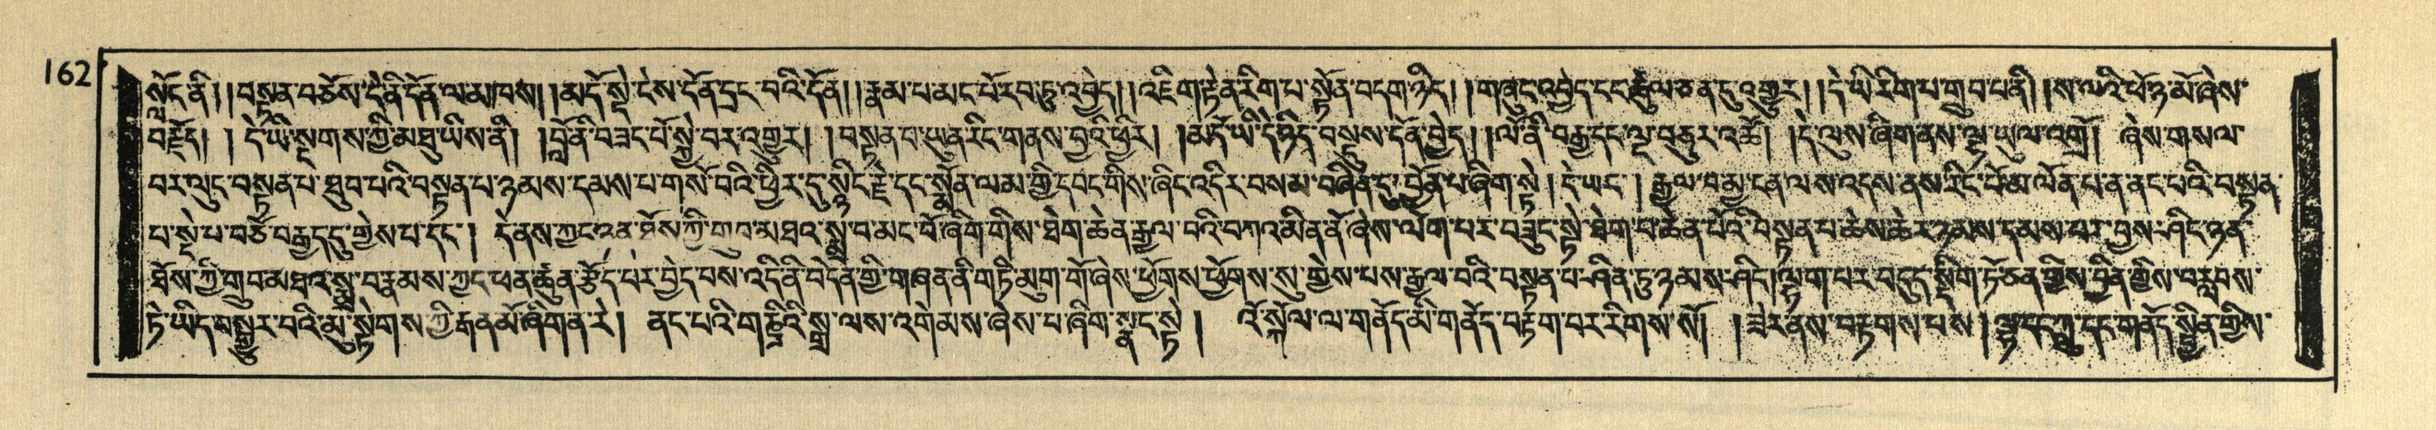སློང་ནི། །བསྟན་བཅོས་དེ་ནི་དོན་ལ་མཁས། །མདོ་སྡེ་ངེས་དོན་དྲང་བའི་དོན། །རྣམ་པ་མང་པོ་རབ་ཏུ་འབྱེད། །འཇིག་རྟེན་རིག་པ་སྟོན་བདག་ཉིད། །གཞུང་འབྱེད་དང་ཚུལ་ཅན་དུ་འགྱུར། །དེ་ཡི་རིག་པ་གྲུབ་པ་ནི། །ས་ལའི་ཕོ་ཉ་མོ་ཞེས་
བརྗོད། །དེ་ཡི་སྔགས་ཀྱི་མཐུ་ཡིས་ནི། །བློ་ནི་བཟང་པོ་སྐྱེ་བར་འགྱུར། །བསྟན་བ་ཡུན་རིང་གནས་བྱའི་ཕྱིར། །མདོ་ཡི་དེ་ཉིད་བསྡུས་དོན་བྱེད། །ལོ་ནི་བརྒྱ་དང་ལྔ་བཅུར་འཚོ། །དེ་ལུས་ཞིག་ནས་ལྷ་ཡུལ་འགྲོ། ཞེས་གསལ་
བར་ལུང་བསྟན་པ་ཐུབ་པའི་བསྟན་པ་ཉམས་དམས་པ་གསོ་བའི་ཕྱིར་དུ་སྙིང་རྗེ་དང་སྨོན་ལམ་གྱི་དབང་གིས་ཞིང་འདིར་བསམ་བཞིན་དུ་བྱོན་པ་ཞིག་སྟེ། དེ་ཡང་། རྒྱལ་བ་མྱ་ངན་ལས་འདས་ནས་རིང་པོ་མ་ལོན་པ་ན་ནང་པའི་བསྟན་
པ་སྡེ་པ་བཅོ་བརྒྱད་དུ་གྱེས་པ་དང་། དེ་ནས་ཀྱང་ཉན་ཐོས་ཀྱི་གྲུབ་མཐའ་སྨྲ་བ་མང་བོ་ཞིག་གིས་ཐེག་ཆེན་རྒྱལ་བའི་བཀའ་མིན་ནོ་ཞེས་ལོག་པར་བཟུང་སྟེ་ཐེག་བ་ཆེན་པོའི་བསྟན་པ་ཆེས་ཆེར་ཉམས་དམས་བར་བྱས་ཤིང་ཉན་
ཐོས་ཀྱི་གྲུབ་མཐའ་སྨྲ་བ་རྣམས་ཀྱང་ཕན་ཚུན་རྩོད་པར་བྱེད་པས་འདི་ནི་བདེན་གྱི་གཞན་ནི་གཏི་མུག་གོ་ཞེས་ཕྱོགས་ཕྱོགས་སུ་གྱེས་པས་རྒྱལ་བའི་བསྟན་པ་ཤིན་ཏུ་ཉམས་ཤིང་། ལྷག་པར་བདུད་སྡིག་ཏོ་ཅན་གྱིས་བྱིན་གྱིས་བརླབས་
ཏེ་ཡིད་བསྒྱུར་བའི་མུ་སྟེགས་ཀྱི་རྒན་མོ་ཞིག་ན་རེ། ནང་པའི་གཎྜིའི་སྒྲ་ལས་འགེམས་ཞེས་པ་ཞིག་སྣང་སྟེ། འོ་སྐོལ་ལ་གནོད་མི་གནོད་བརྟག་བར་རིགས་སོ། །ཟེར་ནས་བརྟགས་པས། ལྷ་དང་ཀླུ་དང་གནོད་སྦྱིན་གྱིས་